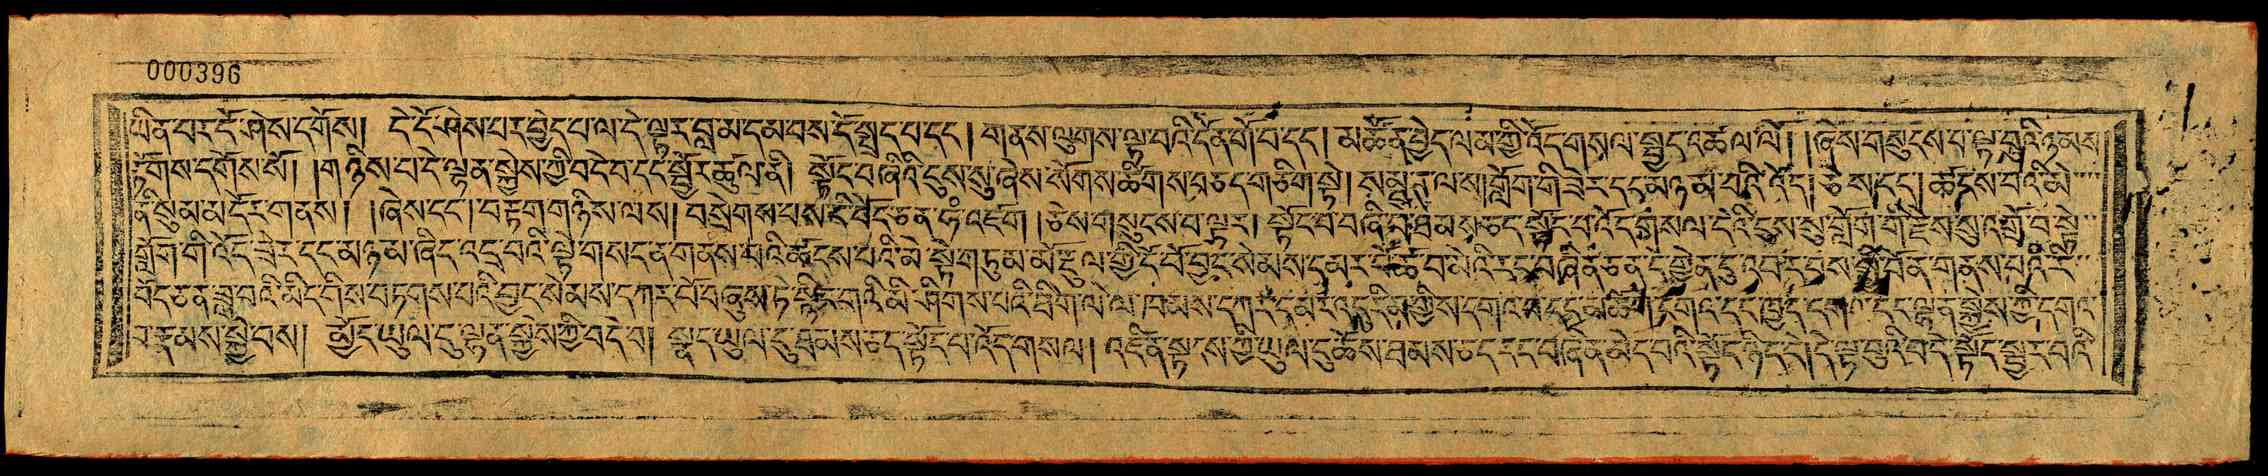ཡིན་པར་ངོ་ཤེས་དགོས། དེ་ངོ་ཤེས་པར་བྱེད་པ་ལ་དེ་ལྟར་བླ་མ་དམ་པས་ངོ་སྤྲད་པ་དང་། གནས་ལུགས་ལྟ་བའི་དོན་གོ་བ་དང་། མཚོན་བྱེད་ལམ་གྱི་འོད་གསལ་སྦྱང་འཚལ་ལོ། །ཞེས་གསུངས་པ་ལྟ་བུའི་ཉམས་
རྟོགས་དགོས་སོ། །གཉིས་པ་དེ་ལྷན་སྐྱེས་ཀྱི་བདེ་བ་དང་སྦྱོར་ཚུལ་ནི། སྟོང་བཞིའི་དུས་སུ་ཞེས་སོགས་ཚིགས་བཅད་གཅིག་སྟེ། སམྦུ་ཊ་ལས། གློག་གི་ཟེར་དང་མཉམ་པའི་འོད། ཅེས་དང་། ཚངས་པའི་མེ་
ནི་སུམ་མདོར་གནས། །ཞེས་དང་། བརྟག་གཉིས་ལས། བསྲེགས་པས་རི་བོང་ཅན་ཏེ་འཛག །ཅེས་གསུངས་པ་ལྟར། སྟོང་པ་བཞི་པ་ཐམས་ཅད་སྟོང་པ་འོད་གསལ་དེའི་དུས་སུ་གློག་གི་རྗེས་སུ་འགྲོ་བ་སྟེ་
གློག་གི་འོད་ཟེར་དང་མཉམ་ཞིང་འདྲ་བའི་ལྟ་གསང་ན་གནས་པའི་ཚངས་པའི་མེ་སྟེ་གཏུམ་མོ་རྡུལ་གྱི་ངོ་བོ་བྱང་སེམས་དམར་པོ་ཚ་བ་མེའི་རང་བཞིན་ཅན་དེ་གྱེན་དུ་འབར་བས་སྤྱི་བོ་ན་གནས་པའི་རི་
བོང་ཅན་ཟླ་བའི་མིང་གིས་བཏགས་པའི་བྱང་སེམས་དཀར་པོ་བཞུས་ཏེ་སྙིང་གའི་མི་ཤིགས་པའི་ཐིག་ལེ་ལ་ཁམས་དཀར་དམར་འདུ་རིམ་གྱིས་དགའ་བ་དང་མཆོག་དགའ་དང་ཁྱད་དགའ་དང་ལྷན་སྐྱེས་ཀྱི་དགའ་
བ་རྣམས་སྐྱེ་བས། མྱོང་ཡུལ་དུ་ལྷན་སྐྱེས་ཀྱི་བདེ་བ། སྣང་ཡུལ་དུ་ཐམས་ཅད་སྟོང་པ་འོད་གསལ། འཛིན་སྟངས་ཀྱི་ཡུལ་དུ་ཆོས་ཐམས་ཅད་རང་བཞིན་མེད་པའི་སྟོང་ཉིད་དེ། དེ་ལྟ་བུའི་བདེ་སྟོང་སྦྱར་བ་